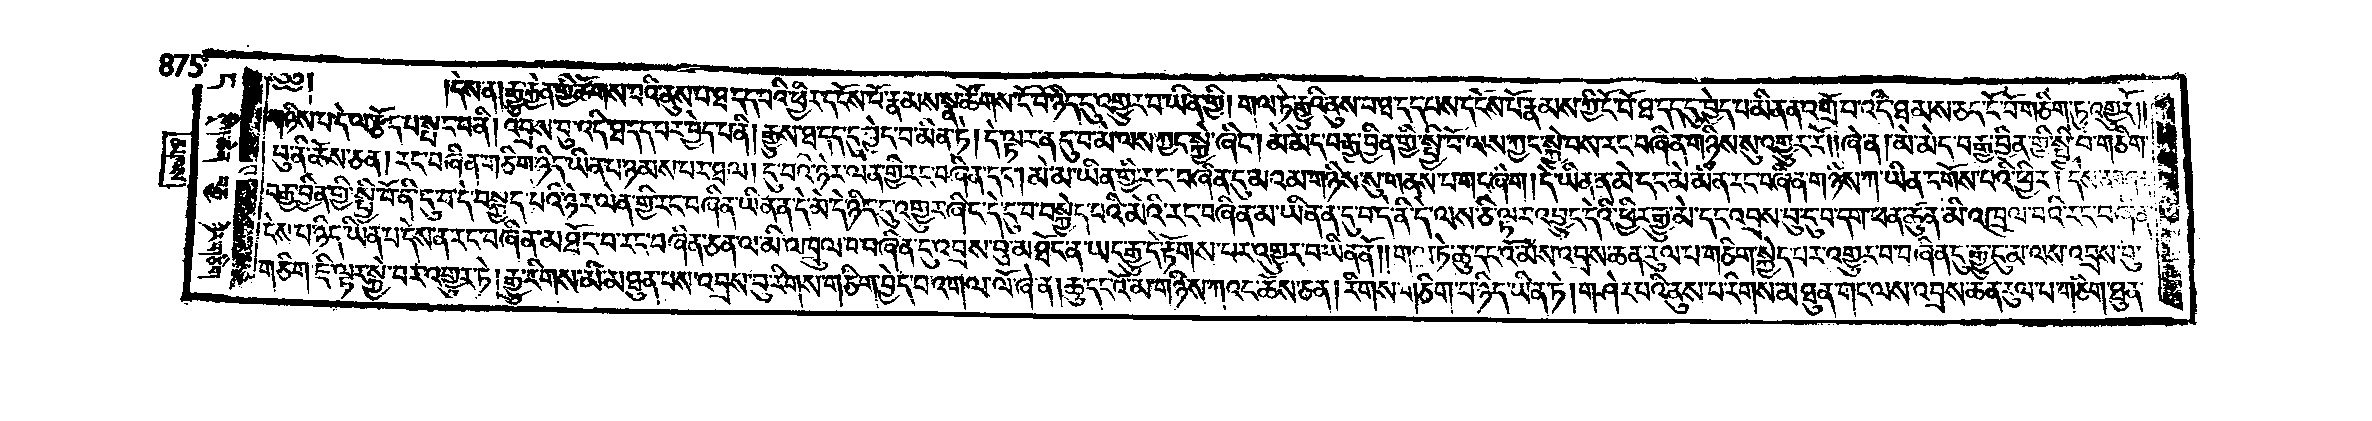༄༅། །དེས་ན། རྒྱུ་རྐྱེན་གྱི་ཚོགས་པའི་ནུས་པ་ཐ་དད་པའི་ཕྱིར་དངོས་པོ་རྣམས་སྣ་ཚོགས་ངོ་བོ་ཉིད་དུ་འགྱུར་བ་ཡིན་གྱི། གལ་ཏེ་རྒྱུའི་ནུས་པ་ཐ་དད་པས་དངོས་པོ་རྣམས་ཀྱི་ངོ་བོ་ཐ་དད་དུ་བྱེད་པ་མིན་ན་འགྲོ་བ་འདི་ཐམས་ཅད་ངོ་བོ་གཅིག་ཏུ་འགྱུར་རོ། །
གཉིས་པ་དེ་ལ་རྩོད་པ་སྤང་བ་ནི། འབྲས་བུ་འདི་ཐ་དད་པར་བྱེད་པ་ནི། རྒྱུས་ཐ་དད་དུ་བྱེད་པ་མིན་ཏེ། དེ་ལྟར་ན་དུ་བ་མེ་ལས་ཀྱང་སྐྱེ་ཞིང་། མེ་མེད་བརྒྱ་བྱིན་གྱི་སྤྱི་བོ་ལས་ཀྱང་སྐྱེ་བས་རང་བཞིན་གཉིས་སུ་འགྱུར་རོ། །ཞེ་ན། མེ་མེད་བརྒྱ་བྱིན་གྱི་སྤྱི་བོ་གཅིག་
བུ་ནི་ཆོས་ཅན། རང་བཞིན་གཅིག་ཉིད་ཡིན་པ་ཉམས་པར་ཐལ། དུ་བའི་ཉེར་ལེན་གྱི་རང་བཞིན་དང་། མེ་མ་ཡིན་གྱི་རང་བཞིན་དུ་མའམ་གཉིས་སུ་གནས་པ་གང་ཞིག། དེ་ཡིན་ན་མེ་དང་མེ་མིན་རང་བཞིན་གཉིས་ཀ་ཡིན་དགོས་པའི་ཕྱིར། དེས་ན་གཞན་
བརྒྱ་བྱིན་གྱི་སྤྱི་བོ་ནི་དུ་བ་དེ་བསྐྱེད་པའི་ཉེར་ལེན་གྱི་རང་བཞིན་ཡིན་ན་དེ་མེད་དེ་ཉིད་དུ་འགྱུར་ཞིང་དེ་དུ་བ་བསྐྱེད་པའི་མེའི་རང་བཞིན་མ་ཡིན་ན་དུ་བ་དེ་ནི་དེ་ལས་ཅི་ལྟར་འབྱུང་དེའི་ཕྱིར་རྒྱུ་མེད་དང་འབྲས་བུ་དུ་བ་དག་ཕན་ཚུན་མི་འཁྲུལ་བའི་རང་བཞིན་
ངེས་པ་ཉིད་ཡིན་པ་དེས་ན་རང་བཞིན་མཐོང་བ་རང་བཞིན་ཅན་ལ་མི་འཁྲུལ་བ་བཞིན་དུ་འབྲས་བུ་མཐོང་ན་ཡང་རྒྱུ་དེ་རྟོགས་པར་འགྱུར་བ་ཡིན་ནོ། །གལ་ཏེ་ཆུ་དང་འོ་མས་འབྲས་ཆན་རུལ་བ་གཅིག་སྐྱེད་པར་འགྱུར་བ་བཞིན་དུ་རྒྱུ་དུ་མ་ལས་འབྲས་བུ་
གཅིག་ཇི་ལྟར་སྐྱེ་བར་འགྱུ་ཏེ། རྒྱུ་རིགས་མི་མཐུན་པས་འབྲས་བུ་རིགས་གཅིག་བྱེད་པ་འགལ་ལོ་ཞེ་ན། ཆུ་དང་འོ་མ་གཉིས་ཀའང་ཆོས་ཅན། རིགས་གཅིག་པ་ཉིད་ཡིན་ཏེ། གཤེར་བའི་ནུས་པ་རིགས་མཐུན་གང་ལས་འབྲས་ཆན་རུལ་བ་གཅིག་ཐུན་